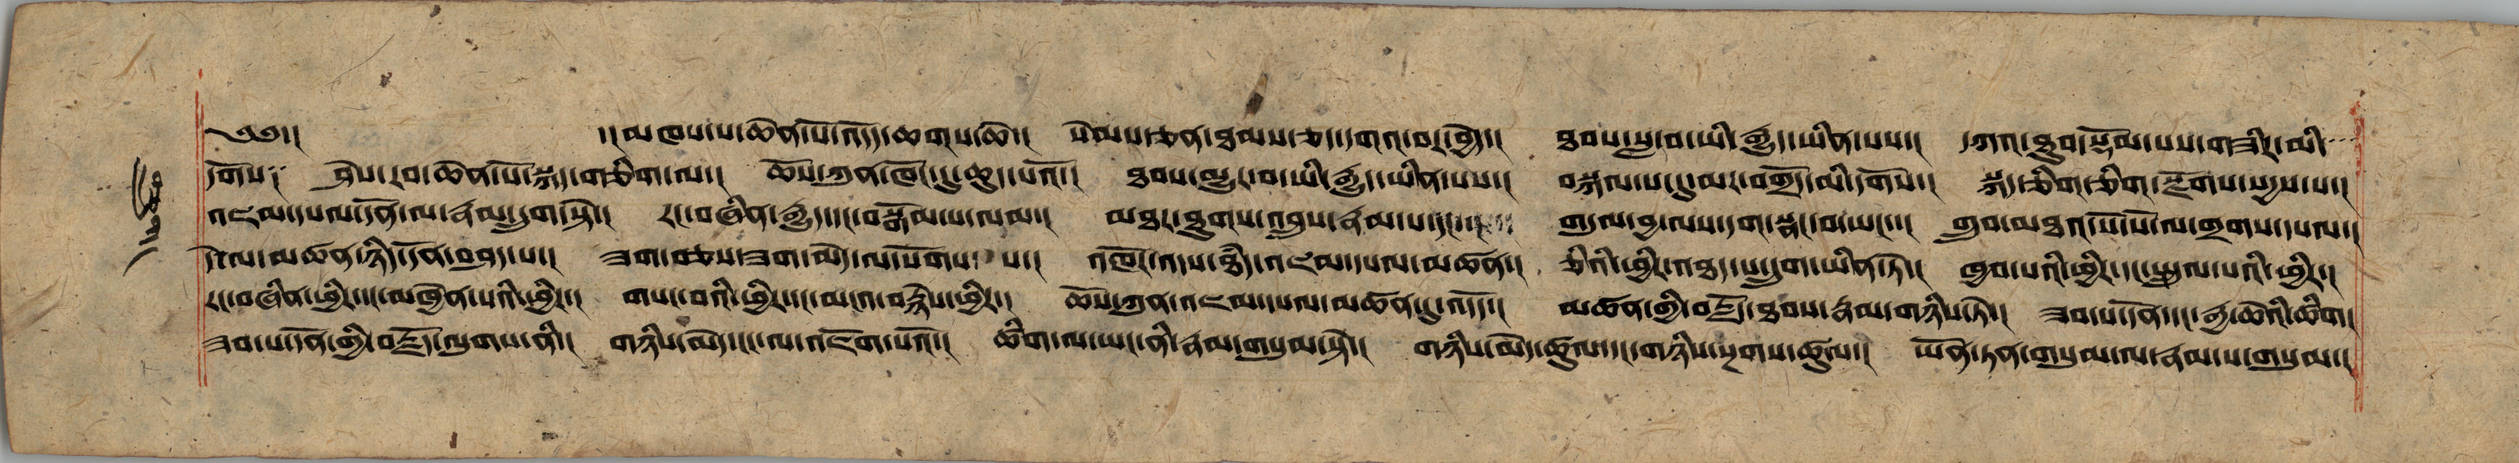༄༅་། ་།མཁས་པ་ཆེན་པོ་འདོད་ཆགས་ཆེ་། སེམས་ཅན་ཐམས་ཅད་དགའ་བར་བྱེད་། ཐབས་སླ་བ་ཡི་རྒྱུད་ཡིན་པས་། དཀའ་ཐུབ་སྡོམ་པས་གཟིར་མི་
དགོས༑ ཤེས་རབ་ཆེན་པོ་སྐད་གཅིག་ལ་། ཆོས་ཀུན་ཁོང་དུ་ཆུད་པའོ་། ཐབས་མྱུར་བ་ཡི་རྒྱུད་ཡིན་པས་། བསྐལ་པ་དུ་མར་བགྲོད་མི་དགོས་། སྐད་ཅིག་ཅིག་སྫོགས་སདྱས་པ་།
འཇམ་དཔལ་དོན་ལ་རྣམ་དྲུག་སྟེ་། རང་བཞིན་རྒྱུད་དང་བསྒོམས་པ་ལམ་། མཐར་ཐུགས་འབྲུས་རྣམ་པ་དང་་། གདུལ་བྱ་ལས་དག་སྣང་བ་ཡང་་། གྲུབ་མཐའ་སོ་སོ་ལ་གྲགས་དཔལ་།
དེ་ལ་མཚན་ཉིད་དོན་བཤད་པ་། ཟག་བཅས་ཟག་མེད་ལ་སོགས་པས་། འཁོར་འདས་ཐདཾ་འཇམ་དཔལ་མཚན་། ཅིའི་ཕྱིར་འཐད་པ་དྲུག་ཡིན་ཏེ་། ཁྱབ་པའི་ཕྱིར་དང་སྤྲུལ་པའི་ཕྱིར་།
རང་བཞིན་ཕྱིར་དང་མཁྱེན་པའི་དབྱིང་། གསང་བའི་ཕྱིར་དང་མངའ་བརྙེས་ཕྱིར་། ཆོས་ཀུན་འཇམ་དཔལ་མཚན་དུ་འདོད་། མཚན་གྱི་བརྗོད་ཐབས་རྣམ་གཉིས་ཏེ་། ཟབ་པ་དོན་དང་རྒྱ་ཆེའི་ཚིག།
ཟབ་པ་དོན་གྱི་བརྗོད་ལུགས་ནི་། གཉིས་མེད་ངང་ལ་འཇོག་པའོ་། ཚིག་མ་ཡང་ནི་རྣམ་གསུམ་སྟེ་། གཉིས་མེད་ཚུལ་དང་གཉིས་སྔགས་ཚུལ་། ཡོན་ཏན་གསུམ་ལ་རྣམ་པ་གསུམ་།